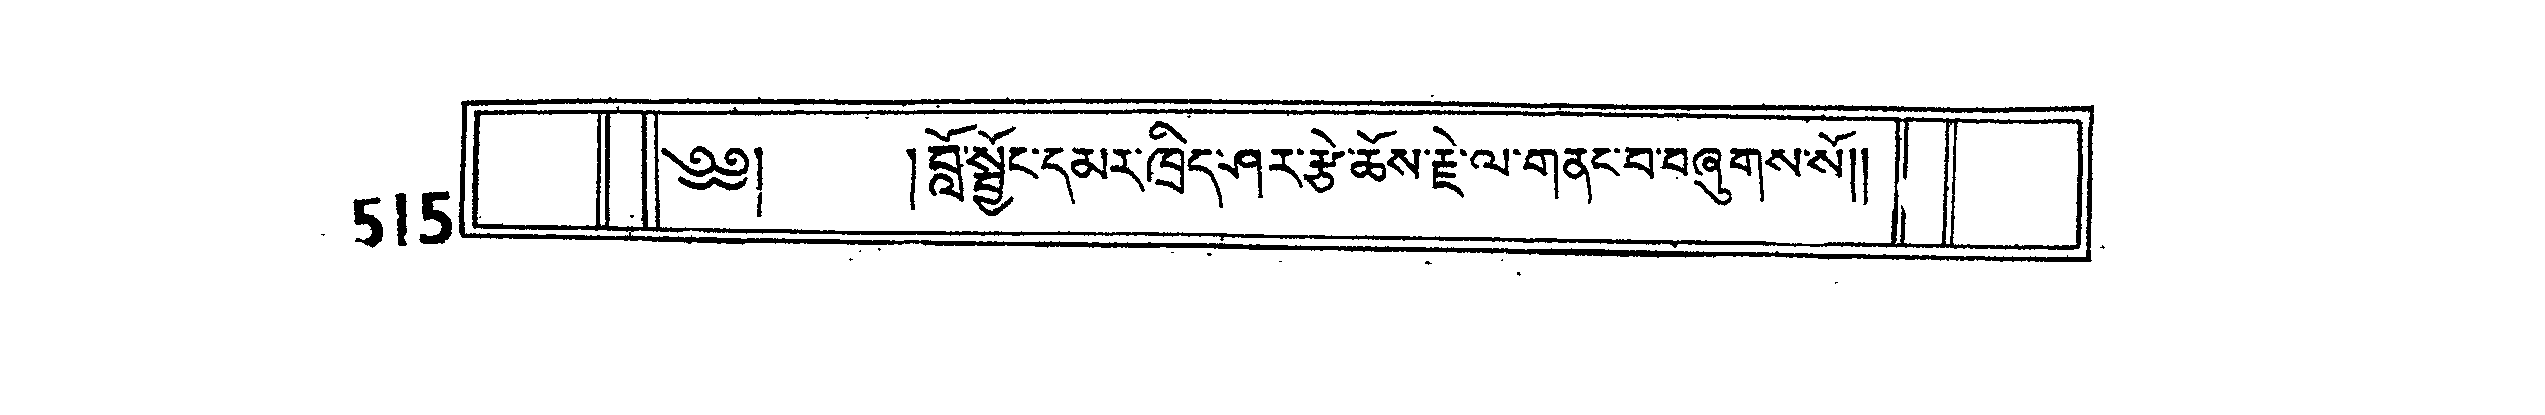༄༅། །བློ་སྦྱོང་དམར་ཁྲིད་ཤར་རྩེ་ཆོས་རྗེ་ལ་གནང་བ་བཞུགས་སོ། །